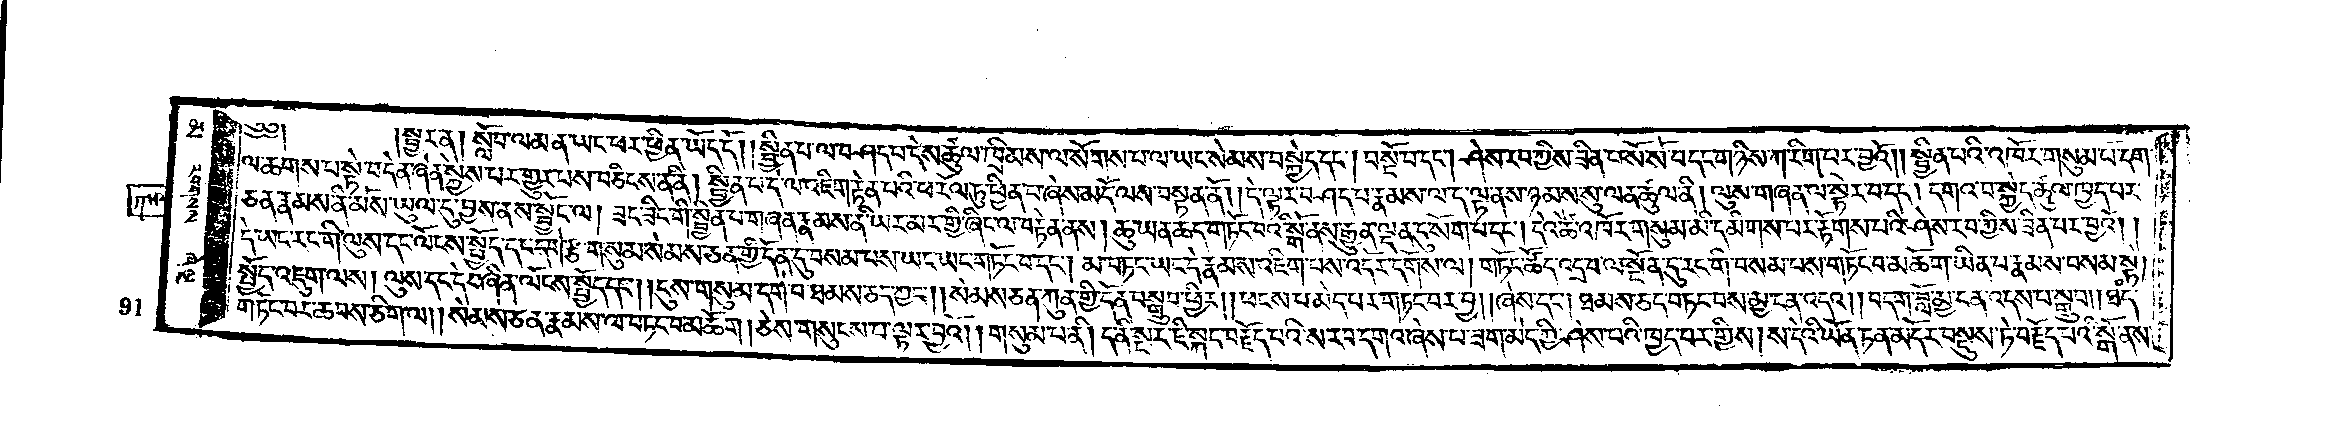༄༅། །སྦྱར་ན། སློབ་ལམ་ན་ཡང་ཕར་ཕྱིན་ཡོད་དོ། །སྦྱིན་པ་ལ་བཤད་པ་དེས་ཚུལ་ཁྲིམས་ལ་སོགས་པ་ལ་ཡང་སེམས་བསྐྱེད་དང་། བསྔོ་བ་དང་། ཤེས་རབ་ཀྱིས་ཟིན་པ་སོ་སོ་བ་དང་གཉིས་ཀ་རིག་པ་བྱའོ། །སྦྱིན་པའི་འཁོར་གསུམ་པོ་དག་
ལ་ཆགས་པ་སྟེ་བདེན་ཞེན་སྐྱེས་པར་གྱུར་པས་བཅིངས་ན་ནི། སྦྱིན་པ་དེ་ལ་འཇིག་རྟེན་པའི་ཕ་རོལ་ཏུ་ཕྱིན་པ་ཞེས་མདོ་ལས་བསྟན་ནོ། །དེ་ལྟར་བཤད་པ་རྣམས་ལ་ད་ལྟ་ནས་ཉམས་སུ་ལེན་ཚུལ་ནི། ལུས་གཞན་ལ་སྟེར་བ་དང་། དགའ་བ་སྐྱེད་ཚུལ་ཁྱད་པར་
ཅན་རྣམས་ནི་མོས་ཡུལ་དུ་བྱས་ནས་སྦྱོང་ལ། ཟང་ཟིང་གི་སྦྱིན་པ་གཞན་རྣམས་ནི་ཡར་མར་གྱི་ཞིང་ལ་བརྟེན་ནས། ཆུ་ཡན་ཆད་གཏོང་བའི་སྒོ་ནས་རྒྱུན་ལྡན་དུ་སོག་པ་དང་། དེའི་ཚེ་འཁོར་གསུམ་མི་དམིགས་པར་རྟོགས་པའི་ཤེས་རབ་ཀྱིས་ཟིན་པར་བྱའོ། །
དེ་ཡང་རང་གི་ལུས་དང་ལོངས་སྤྱོད་དང་དགེ་རྩ་གསུམ་སེམས་ཅན་གྱི་དོན་དུ་བསམ་པས་ཡང་ཡང་གཏོང་བ་དང་། མ་བཏང་ཡང་དེ་རྣམས་འཇིག་པས་འདོར་དགོས་ལ། གཏོང་ཚོད་འདྲ་བ་ལ་སྔོན་དུ་རང་གི་བསམ་པས་གཏོང་བ་མཆོག་ཡིན་པ་རྣམས་བསམ་སྟེ།
སྤྱོད་འཇུག་ལས། ལུས་དང་དེ་བཞིན་ལོངས་སྤྱོད་དང་། དུས་གསུམ་དགེ་བ་ཐམས་ཅད་ཀྱང་། །སེམས་ཅན་ཀུན་གྱི་དོན་བསྒྲུབ་ཕྱིར། །ཕངས་པ་མེད་པར་གཏང་བར་བྱ། །ཞེས་དང་། ཐམས་ཅད་བཏང་བས་མྱ་ངན་འདའ། །བདག་བློ་མྱ་ངན་འདས་པ་སྒྲུབ། །ཐམས་ཅད་
གཏོང་བར་ཆབས་ཅིག་ལ། །སེམས་ཅན་རྣམས་ལ་བཏང་བ་མཆོག །ཅེས་གསུངས་པ་ལྟར་བྱའོ། །གསུམ་པ་ནི། དེ་ནི་སྔར་ཇི་སྐད་བརྗོད་པའི་ས་རབ་དགའ་ཞེས་པ་ཟག་མེད་ཀྱི་ཤེས་པའི་ཁྱད་པར་གྱིས། ས་དེའི་ཡོན་ཏན་མདོར་བསྡུས་ཏེ་བརྗོད་པའི་སྒོ་ནས་